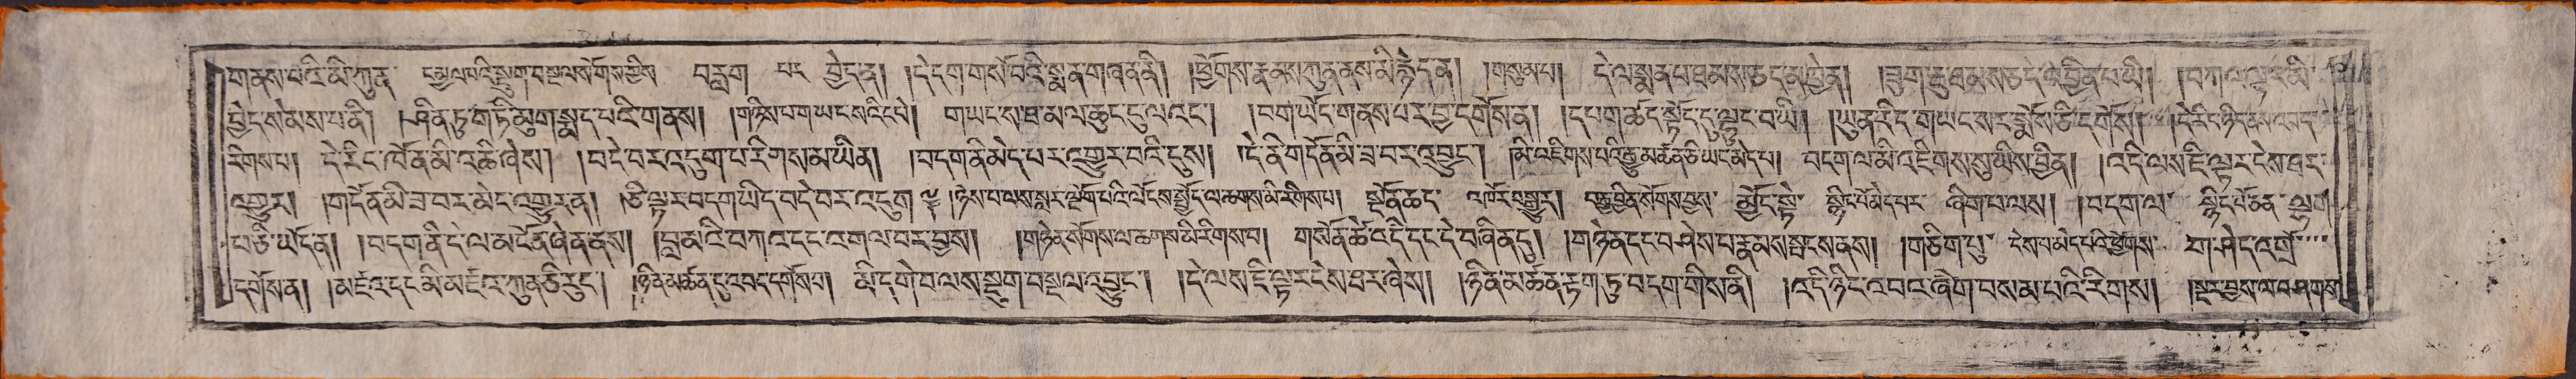གནས་པའི་མི་ཀུན་དམྱལ་བའི་སྡུག་བསྔལ་སོགས་ཀྱིས་བརླག་པར་བྱེད་ན། །དེ་དག་གསོ་བའི་སྨན་གཞན་ནི། །ཕྱོགས་རྣམས་ཀུན་ནས་མི་རྙེད་ན། །གསུམ་པ།  དེ་ལ་སྨན་པ་ཐམས་ཅད་མཁྱེན། །ཟུག་རྔུ་ཐམས་ཅད་འབྱིན་པ་ཡི། །བཀའ་ལྟར་མི་
བྱེད་སེམས་པ་ནི། །ཤིན་ཏུ་གཏི་མུག་སྨད་པའི་གནས། །གཉིས་པ་གཡང་སའི་དཔེ།  གཡང་ས་ཐ་མལ་ཆུང་ངུ་ལའང་། །བག་ཡོད་གནས་པར་བྱ་དགོས་ན། །དཔག་ཚད་སྟོང་དུ་ལྷུང་བ་ཡི། །ཡུན་ཏིང་གཡང་སར་སྨོས་ཅི་དགོས། །དེའི་པ་ཉིད་ནས་འབད་
རིགས་པ། དེ་རིང་ཁོན་མི་འཆི་ཞེས། །བདེ་བར་འདུག་པ་རིགས་མ་ཡིན། །བདག་ནི་མེད་པར་འགྱུར་བའི་དུས། །དེ་ནི་གདོན་མི་ཟ་བར་འབྱུང་། ། མི་འཇིགས་བའི་རྒྱུ་མཚན་ཅི་ཡང་མེད་པ།  བདག་ལ་མི་འཇིགས་སུ་ཡིས་བྱིན། །འདི་ལས་ཇི་ལྟར་ངེས་ཐར་
འགྱུར། །གདོན་མི་ཟ་བར་མེད་འགྱུར་ན། །ཅི་ལྟར་བདག་ཡིད་བདེ་བར་འདུག ༈ །ཉེས་པ་ལས་སླར་ལྡོག་པའི་ལོངས་སྤྱོད་ལ་ཆོགས་མི་རིགས་པ། སྔོན་ཆད་འཁོར་བསྒྱུར། བརྒྱ་བྱིན་སོགས་བྱས་མྱོང་སྟེ་སྙིང་པོ་མེད་པར་ཞིག་པ་ལས། །བདག་ལ་སྙིང་པོ་ཅན་ལྷག་
པ་ཅི་ཡོད་ན། །བདག་ནི་དེ་ལ་མངོན་ཞེན་ནས། །བླ་མའི་བཀའ་དང་འགལ་བར་བྱས། །གཉེན་སོགས་ལ་ཆགས་མི་རིགས་པ།  གསོན་ཆེ་འདི་དང་དེ་བཞིན་དུ། །གཉེན་དང་བཤེས་པ་རྣམས་སྤངས་ནས། །གཅིག་པུ་ངེས་པ་མེད་པའི་ཕྱོགས་བཤེད་འགྲོ་
དགོས་ན། །མཛའ་དང་མི་མཛའ་ཀུན་ཅི་རུང་། །ཉིན་མཚན་དུ་འབད་དགོས་པ། །མེ་དམིགས་པ་ལས་སྡུག་བསྔལ་འབྱུང་། །དེ་ལས་ཇི་ལྟར་ངེས་ཐར་ཞེས། །ཉིན་མཚན་རྟག་ཏུ་བདག་གིས་ནི། །འདི་ཉིད་འབའ་ཞིག་བསམ་པའི་རིགས། །སྔར་བྱས་ལ་བཤགས་